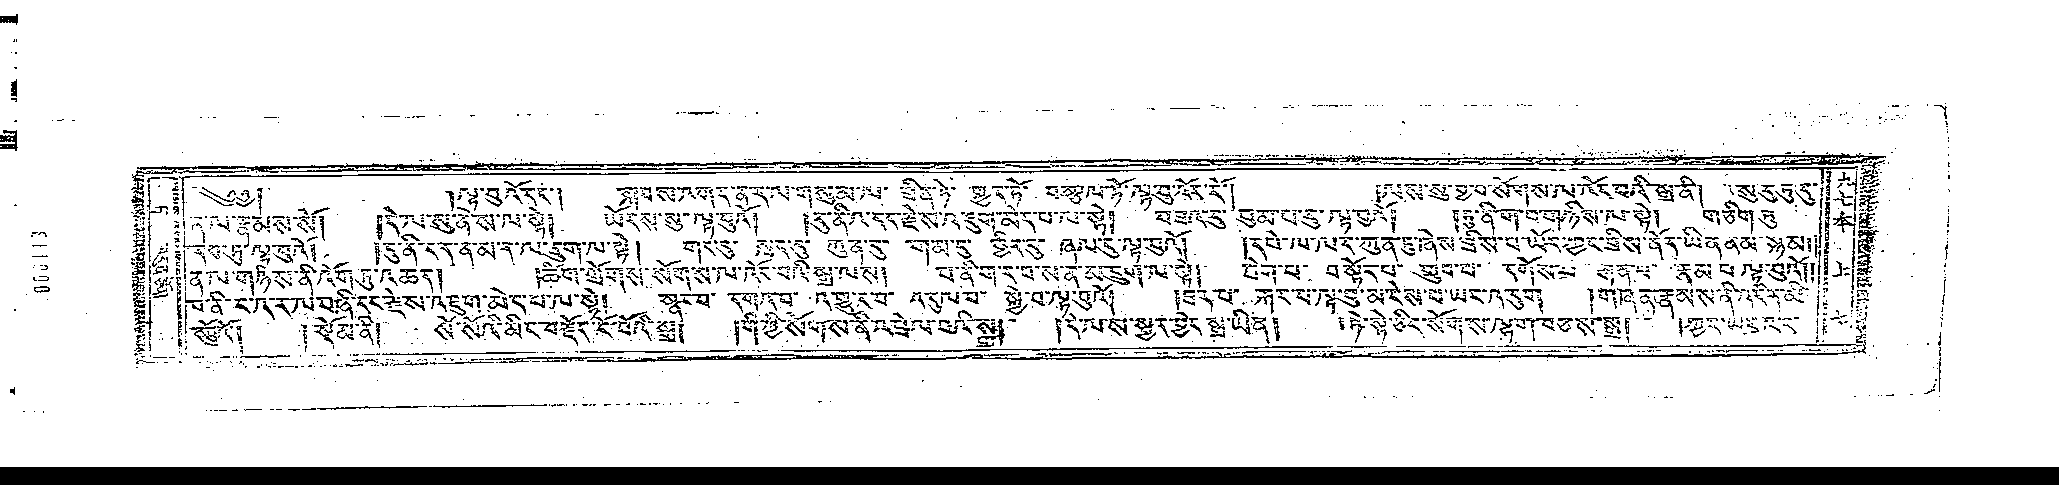༄༅། །ལྟ་བུ་འོ་དང་། སྐབས་འགར་ན་ར་ལ་གསུམ་ལ་ཟིན་ཏོ་གྱུར་ཏོ་བསྩལ་ཏོ་ལྟ་བུ་འོང་ངོ། །ལས་སུ་བྱ་བ་སོགས་ལ་འོད་བའི་སྒྲ་ནི། སུ་རུ་ཏུ་དུ་
ན་ལ་རྣམས་སོ། །དེ་ལ་སུ་ནི་ས་ལ་སྟེ། ཡོངས་སུ་ལྟ་བུའོ། །རུ་ནི་འ་དད་རྗེས་འཇུག་མེད་པ་ལ་སྟེ། འབའ་རུ་བུམ་པ་རུ་ལྟ་བུའོ། །ཏུ་ནི་ག་བ་གཉིས་ལ་སྟེ། གཅིག་ཏུ་
རབ་ཏུ་ལྟ་བུའོ། །དུ་ནི་ང་ད་ན་མ་ར་ལ་དྲུག་ལ་སྟེ། གང་དུ་སླད་དུ་ཀུན་དུ་གམ་དུ་ཕྱིར་དུ་ཞལ་དུ་ལྟ་བུའོ། །དཔེ་ལ་ལར་ཀུན་ཏུ་ཞེས་བྲིས་པ་ཡོད་ཀྱང་བྲིས་ནོར་ཡིན་ནམ་སྙམ།།
ན་ལ་གཉིས་ནི་འོག་ཏུ་འཆད། །ཚིག་གྲོགས་སོགས་ལ་འོང་བའི་སྒྲ་ལས། བ་ནི་ག་ད་བ་ས་ན་མ་དྲུག་ལ་སྟེ། ཐེག་པ་བསྟོད་པ་གྲུབ་པ་དགོས་པ་རྒན་པ་རྣམ་པ་ལྟ་བུའོ།།
བ་ནི་ང་འ་ར་ལ་བཞི་དང་རྗེས་འཇུག་མེད་པ་ལ་སྟེ། སྣང་བ་དགའ་བ་འགྱུར་བ་འདུལ་བ་སྐྱེ་བ་ལྟ་བུའོ། །ཐར་པ་རྐང་བ་ལྟ་བུ་མ་ངེས་པ་ཡང་འཇུག །གཞན་རྣམས་ནི་འདིར་མི་
སྤྲོའོ། །སྡོམ་ནི། སོ་སོའི་མིང་བརྗོད་ངོ་བོའི་སྒྲ། །གི་ཀྱི་སོགས་ནི་འབྲེལ་བའི་སྒྲ། །དེ་ལ་ས་སྦྱར་བྱེད་སྒྲ་ཡིན། །ཏེ་སྟེ་ཅིང་སོགས་ལྷག་བཅས་སྒྲ། །ཀྱང་ཡང་འང་